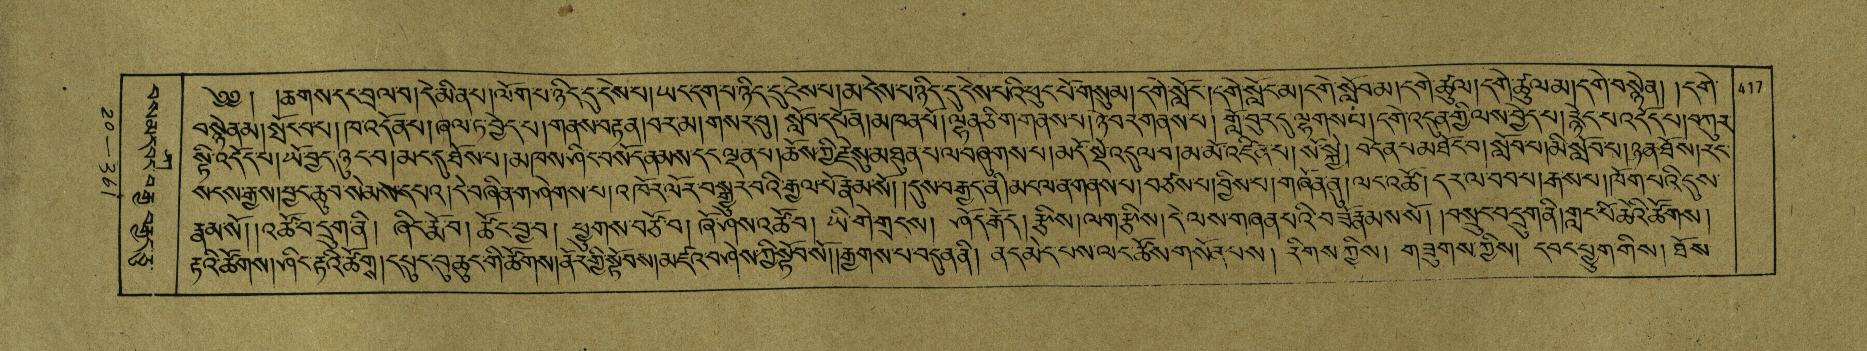༄༅། །ཆགས་དང་བྲལ་བ། དེ་མིན་པ། ལོག་པ་ཉིད་དུ་ངེས་པ། ཡང་དག་པ་ཉིད་དུ་ངེས་པ། མ་ངེས་པ་ཉིད་དུ་ངེས་པའི་ཕུང་པོ་གསུམ། དགེ་སློང་། དགེ་སློང་མ། དགེ་སློབ་མ། དགེ་ཚུལ། དགེ་ཚུལ་མ། དགེ་བསྙེན། །དགེ་
བསྙེན་མ། སྤོང་བ་པ། ཁ་འདོན་པ། ཞལ་ཏ་བྱེད་པ། གནས་བརྟན། བར་མ། གསར་བུ། སློབ་དཔོན། མཁན་པོ། ལྷན་ཅིག་གནས་པ། ཉེ་བར་གནས་པ། གློ་བུར་དུ་ལྷགས་པ། དགེ་འདུན་གྱི་ལས་བྱེད་པ། རྙེད་པ་འདོད་པ། བཀུར་
སྟི་འདོད་པ། ཡོ་བྱད་ཉུང་བ། མང་དུ་ཐོས་པ། མཁས་ཤིང་བསོད་ནམས་དང་ལྡན་པ། ཆོས་ཀྱི་རྗེསུ་མཐུན་པ་ལ་བཞུགས་པ། མདོ་སྡེ་འདུལ་བ། མ་མོ་འཛིན་པ། སོ་སྐྱེ། བདེན་པ་མཐོང་བ། སློབ་པ། མི་སློབ་པ། ཉན་ཐོས། རང་
སངས་རྒྱས། བྱང་ཆུབ་སེམས་དཔའ། དེ་བཞིན་གཤེགས་པ། འཁོར་ལོར་བསྒྱུར་བའི་རྒྱལ་པོ་རྣམ་སོ། །དུས་བརྒྱད་ནི། མངལ་ན་གནས་པ། བཙས་པ། བྱིས་པ། གཞོན་ནུ། ལང་འཚོ། དར་ལ་བབ་པ། རྒ་ས་པ། ཁོག་པའི་དུས་
རྣམ་སོ། །འཚོ་བ་དྲུག་ནི། ཞིང་རྨོ་བ། ཚོང་བྱ་བ། ཕྱུགས་བཙོ་བ། ཞོ་ཤས་འཚོ་བ། ཡི་གེ་གྲངས། ཤོད་རྒོད། རྩིས། ལག་རྩིས། དེ་ལས་གཞན་པའི་བཟོ་རྣམས་སོ། །བསྲུང་བ་དྲུག་ནི། གླང་པོ་ཆེའི་ཚོགས།
རྟའི་ཚོགས། ཤིང་རྟའི་ཚོགས། དཔུང་བུ་ཆུང་གི་ཚོགས། ནོར་གྱི་སྟོབས། མཛའ་བཤེས་ཀྱི་སྟོབ་སོ། །རྒྱགས་པ་བདུན་ནི། ནད་མེད་པས་ལང་ཚོས་གསོན་པས། རིགས་ཀྱིས། གཟུགས་ཀྱིས། དབང་ཕྱུག་གིས། ཐོས་